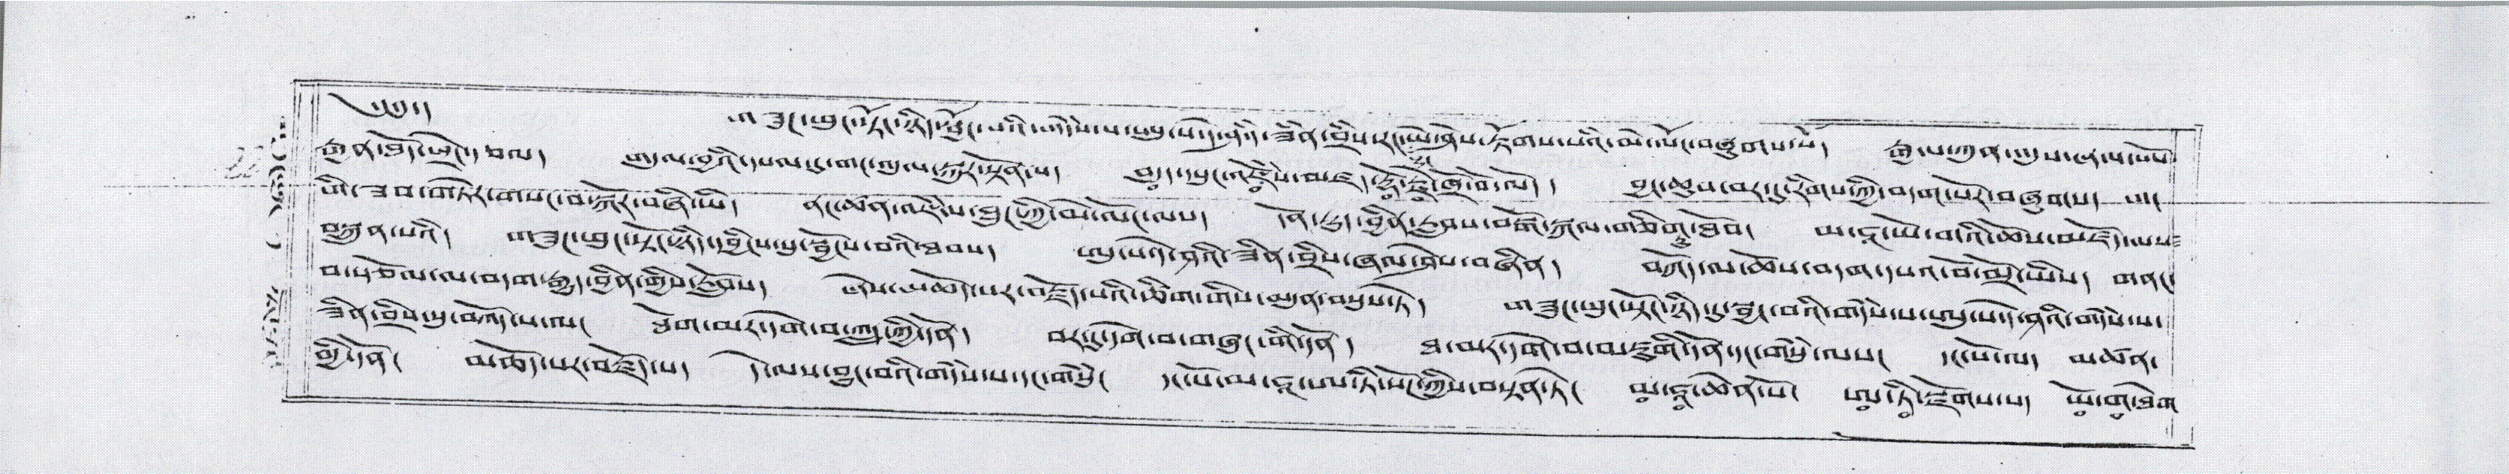༄༅།། གཟུགས་ཕུང་སྟོང་ཉིད་སྦྱོང་བའི་གདམས་པ་ཨུ་པ་དེ་ཤའི་ཟིན་བྲིས་རང་བྱུང་ཡེ་ཤེས་རྟོགས་པའི་མེ་ལོང་བཞུགས་སོ། རྒྱལ་ཀུན་འདུས་ཞལ་ཨོ་
རྒྱན་ཐོད་ཕྲེང་རྩལ། གདུལ་བྱའི་དཔལ་དུ་གང་འདུལ་སྐུར་སྟོན་པ། བདུད་དཔུང་འཇོམས་མཛད་རྡོ་རྗེ་གྲོ་བོ་ལོད། བྱང་ཆུབ་བར་དུ་རིགས་ཀྱི་བདག་པོར་བཞུགས། གང་
གི་ཟབ་གཏེར་གསང་བ་སྐོར་བཞི་ཡི། ནང་ཚན་འཇམ་དཔལ་ཐུགས་ཀྱི་མེ་ལོང་ལས། དོན་རྒྱུད་བྱིན་རླབས་བགོ་སྐལ་གཅིག་ཏུ་ཐོབ། མ་ཧཱ་ཡོ་གའི་ཆོས་མཛོད་
བསྐྲུན་པའི། གཟུགས་ཕུང་སྟོང་ཉིད་དབྱིངས་སུ་སྦྱོང་བའི་ཐབས། ཨུ་པ་དེ་ཤའི་ཟིན་བྲིས་ཞལ་ཤེས་བཞིན། བཀོད་པ་ཆོས་བདག་དཔའ་བོ་མཁའ་འགྲོ་ཡིས། གནང་
བ་སྩོལ་ལ་བདག་རྒྱུད་བྱིན་གྱིས་རློབས། ཞེས་མཆོད་པར་བརྗོད་པའི་ཚིག་གིས་མདུན་བསུས་ཏེ། གཟུགས་ཕུང་སྟོང་ཉིད་དུ་སྦྱང་བའི་གདམས་པ་ཨུ་པ་དེ་ཤའི་གདམས་པ་
ཟིན་བྲིས་སུ་བཀོད་པ་ལ། ཐོག་མར་དགེ་བ་ཀླད་ཀྱི་དོན། བར་དུ་དགེ་བ་གཞུང་གི་དོན། ཐ་མར་དགེ་བ་མཇུག་གི་དོན་དང་གསུམ་ལས། དང་པོ་ལ། མཚན་
གྱི་དོན། མཆོད་པར་བརྗོད་པ། དེ་ལས་བྱུང་བའི་གདམས་པ་དང་གསུམ། དང་པོ་མ་ཧཱ་ཨ་ཏི་སོགས་ཀྱིས་བསྟན་ཏེ། མ་ཧཱ་ཆེན་པོ་ཨ་ཏི་རྫོགས་པ་ཡོ་ག་ཐེག་